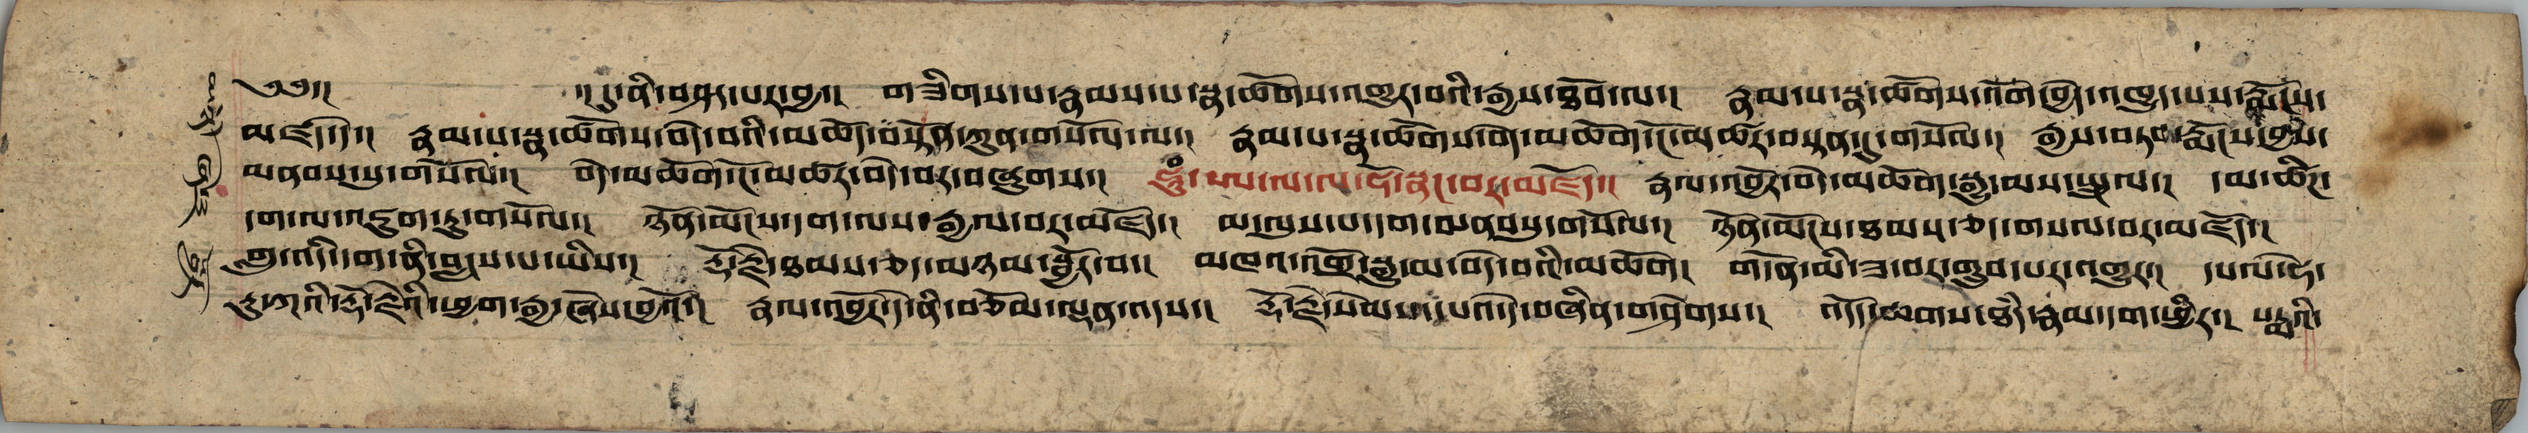༄༅་། ་།དུ་ནི་བཤད་པར་བྱ་། གཟིགས་པ་རྣམས་པ་སྣ་ཚོགས་འགྱུར་བའི་རྒྱས་ཐོབ་ལ་། རྣམ་པ་སྣ་ཚོགས་འོག་བྱེད་འཁྱུད་པས་རྨོངས་
མཛད་དེ་། རྣམ་པ་སྣ་ཚོགས་བདེ་བའི་མཆོད་བསྟོན་ཀུན་གསོལ་ལ་། རྣམ་པ་སྣ་ཚོགས་བདེ་མཆོག་ངོ་མཚར་བསྟན་དུ་གསོལ་། རྒྱས་བཏབ་རྨོངས་བྱས་
མནབས་སུ་གསོལ་། བདེ་མཆོག་ངོ་མཚར་བདེ་བར་བཞུགས་། ཧཱུཾ་ཨ་ལ་ལ་ཧོ་སྣང་བར་མཛོད་། རྣལ་འབྱོར་བདེ་མཆོག་སྒྱུ་མས་སྤྲུལ་། དམ་ཚིཌ་
དག་ལ་འཇུག་ཏུ་གསོལ་། ཉོན་མོངས་དག་ལས་རྒྱལ་བར་མཛོད་། མ་ལུས་པ་དག་མནབསུ་གསོལ་། ཉོན་མོངས་ཐམས་ཅད་གསལ་བར་མཛོད་།
གླུ་འདི་དག་ནི་བླངས་པ་ཡིས་། རྡོ་རྗེ་ཐམས་ཅད་མཉམ་སྦྱོར་བ་། མཁའ་འགྲོ་སྒྱུ་མ་བདེ་བའི་མཆོག། གདོན་མི་ཟ་བར་གྲུབ་པར་འགྱུར་། དཔལ་ཧེ་
རུ་ཀའི་རྡོ་རྗེའི་ཕྱག་རྒྱ་ཞེས་བྱའོ་། རྣལ་འབྱོར་དེ་ནི་བཅོམ་ལྡན་འདས་། རྡོ་རྗེ་སེམས་དཔའ་དེ་བཞིན་གཤེགས་། འདོད་ཆགས་ཐདཾ་རྣམ་དག་ཕྱིར་། པདྨའི་